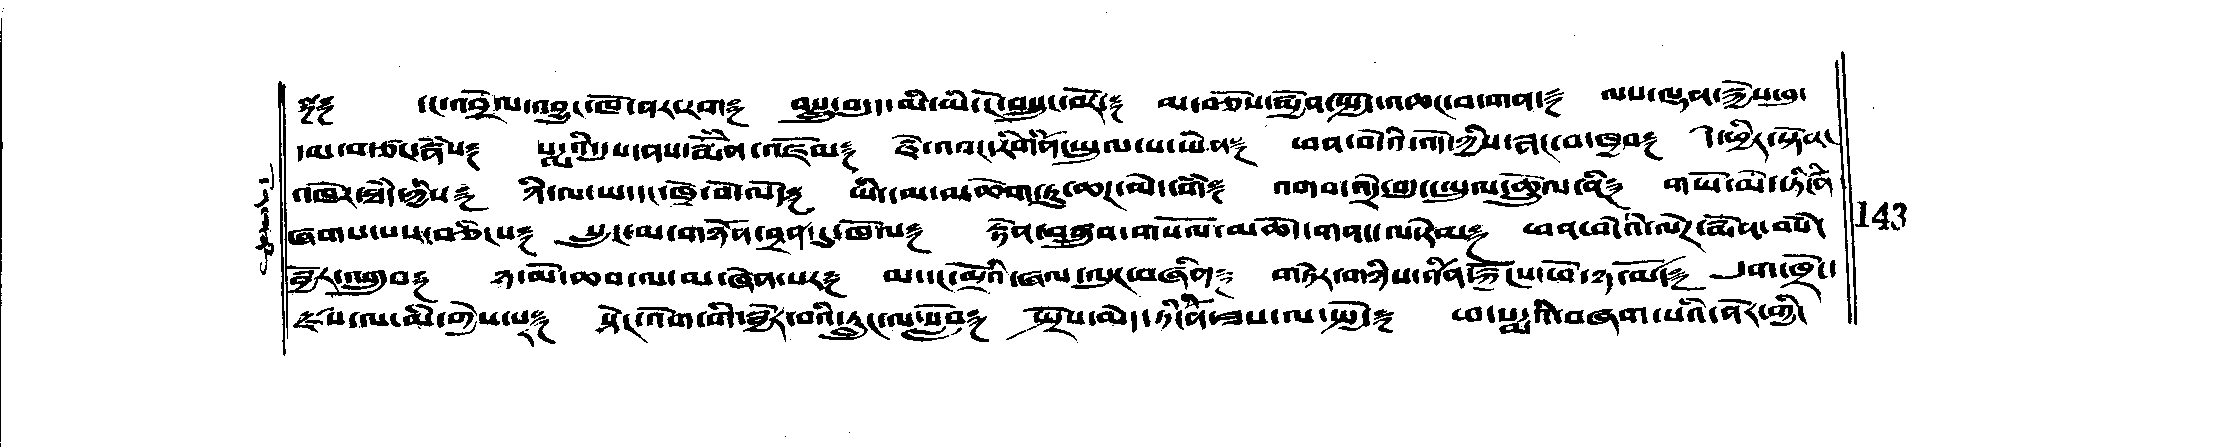དང་འབྲེལ་འབྱུང་ཁོ་ནར་རག །བསླུ་བདུད་མི་ཡི་ངོ་བསྲུང་བོར། །མ་བཅོས་སྨྱོན་སྤྱོད་འཆང་བ་གནད། །ལས་ལྡན་སྐྱེས་བུ་
དམ་གཙང་རྣམས། །པདྨའི་དུས་ནས་སྨོན་ལམ་འཛོམ། །རྗེ་འབངས་རིག་འཛིན་སྤྲུལ་པ་ཡིན། །ཕན་བདེའི་འོད་ཀྱིས་སྣང་བ་ཁྱབ། །དེ་ཕྱིར་སྟོན་
འཁོར་ཐམས་ཅད་ཀྱིས། །ཀི་ལ་ཡ་དང་གྲོ་བོ་ལོད། །ཡི་དམ་མཆོག་ཏུ་ཆགས་༼ཆག?༽མེད་གམ༼སྒོམས?༽། །འགབ་འདྲེ་བདུད་སྤྲུལ་ཆོ་འཕྲུལ་ནི། །གཡོ་མེད་ཏིང་འཛིན་
ཞགས་པས་བཅིངས། །སྲུང་མ་གཉན་པོ་བྲན་དུ་ཁོལ། །རྟེན་བསྒྲུབ་གསོལ་མཆོད་གནད་ལ་རེམ། །ཕན་བདེའི་ལེགས་སྨོན་བསམ་
སྦྱོར་འགྲུབ། །ཉ་མོ་ཆབ་ལ་མ་ཞེན་པར། །མ་དང་མཁའ་འགྲོའི་ཞལ་ལུང་བཞིན། །གཏེར་གཉིས་འཛིན་སྐྱོང་ཕོ་ཉ་མཛོད། །དུག་ཁྲོད་
རྫས་ལ་མི་གྱེས་པར། །སྟེང་འོག་སྦྱོར་བའི་རླུང་ལ་སློབ། །སྤྲོས་མེད་ཏིང་འཛིན་ཟས་ལ་སྤྱོད། །ཕ་པདྨས་བཞག་པའི་ནོར་གྱི་